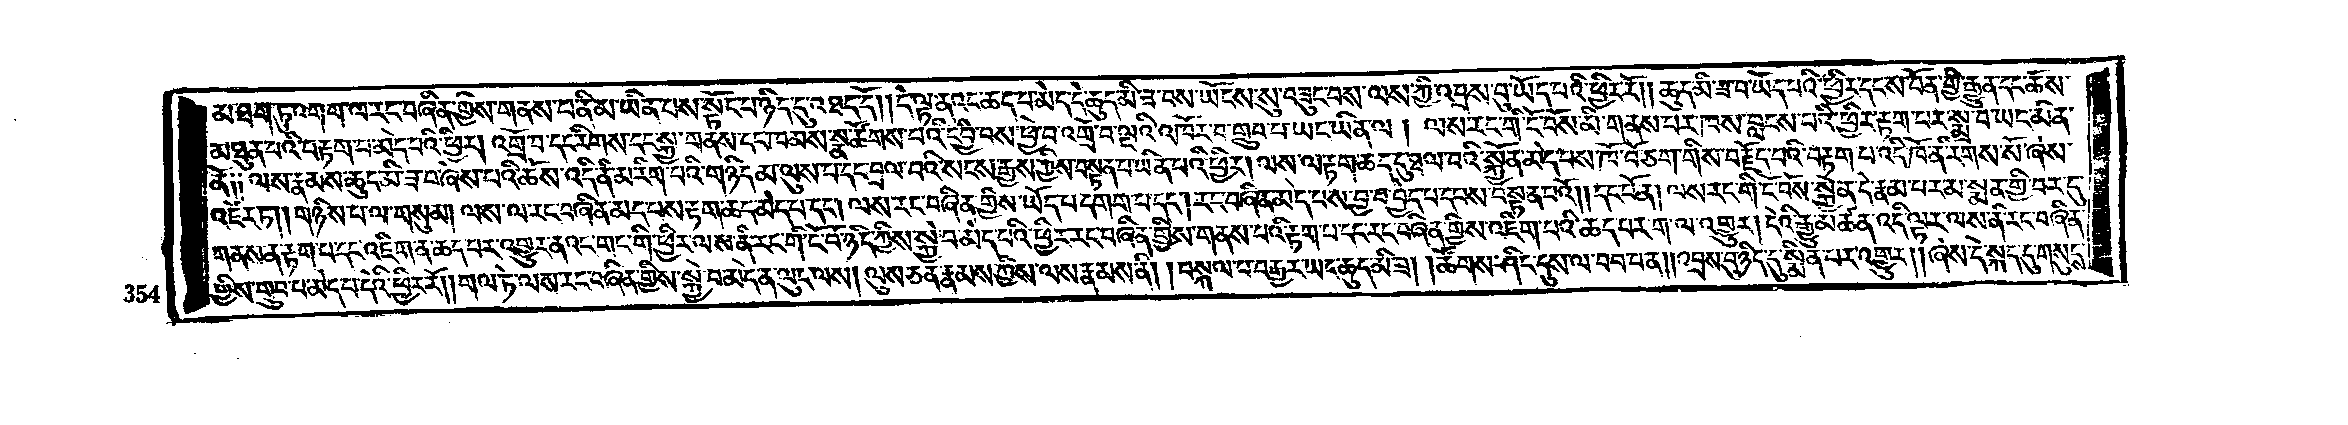མཐག་ཏུ་འགག་ལ་རང་བཞིན་གྱིས་གནས་པ་ནི་མ་ཡིན་པས་སྟོང་པ་ཉིད་དུ་འཐད་དོ། །དེ་ལྟ་ནའང་ཆད་པ་མེད་དེ་ཆུད་མི་ཟ་བས་ཡོངས་སུ་བཟུང་བས་ལས་ཀྱི་འབྲས་བུ་ཡོད་པའི་ཕྱིར་རོ། །ཆུད་མི་ཟ་བ་ཡོད་པའི་ཕྱིར་དང་ས་བོན་གྱི་རྒྱུན་དང་ཆོས་
མཐུན་པའི་བརྟག་པ་མེད་པའི་ཕྱིར། འགྲོ་བ་དང་རིགས་དང་སྐྱ་གནས་དང་ཁམས་སྣ་ཚོགས་པའི་དབྱེ་བས་ཕྱེ་བ་འགྲོ་བ་ལྔའི་འཁོར་བ་གྲུབ་པ་ཡང་ཡིན་ལ། ལས་རང་གི་ངོ་བོས་མི་གནས་པར་ཁས་བླངས་པའི་ཕྱིར་རྟག་པར་སྨྲ་བ་ཡང་མིན་
ནོ༑ ༑ལས་རྣམས་ཆུད་མི་ཟ་བ་ཞེས་པའི་ཆོས་འདི་ནི་མ་རིག་པའི་གཉིད་མ་ལུས་པ་དང་བྲལ་བའི་སངས་རྒྱས་ཀྱིས་བསྟན་པ་ཡིན་པའི་ཕྱིར། ལས་ལ་རྟག་ཆད་དུ་ཐལ་བའི་སྐྱོན་མེད་པས་ཁོ་བོ་ཅག་གིས་བརྗོད་པའི་བརྟག་པ་འདི་ཁོ་ན་རིགས་སོ་ཞེས་
འཛེར་ཏ། །གཉིས་པ་ལ་གསུམ། ལས་ལ་རང་བཞིན་མེད་པས་རྟག་ཆད་མེད་པ་དང་། ལས་རང་བཞིན་གྱིས་ཡོད་པ་དགག་པ་དང་། རང་བཞིན་མེད་པས་བྱ་བ་བྱེད་པ་དཔས་བསྟན་པའོ། །དང་པོ་ནི། ལས་རང་གི་ངོ་བོས་སྐྱོན་དེ་རྣམ་པར་མ་སྨིན་གྱི་བར་དུ་
གནས་ན་རྟག་པ་དང་འཇིག་ན་ཆད་པར་འགྱུར་ནའང་གང་གི་ཕྱིར་ལས་ནི་རང་གི་ངོ་བོ་ཉིད་ཀྱིས་སྐྱེ་བ་མེད་པའི་ཕྱིར་རང་བཞིན་གྱིས་གནས་པའི་རྟག་པ་དང་རང་བཞིན་གྱིས་འཇིག་པའི་ཆད་པར་ག་ལ་འགྱུར། དེའི་རྒྱུ་མཚན་འདི་ལྟར་ལས་ནི་རང་བཞིན་
གྱིས་གྲུབ་པ་མེད་པ་དེའི་ཕྱིར་རོ། །གལ་ཏེ་ལས་རང་བཞིན་གྱིས་སྐྱེ་བ་མེད་ན་ལུང་ལས། ལུས་ཅན་རྣམས་ཀྱིས་ལས་རྣམས་ནི། །བསྐལ་པ་བརྒྱར་ཡང་ཆུད་མི་ཟ། །ཚོགས་ཤིང་དུས་ལ་བབ་པ་ན། །འབྲས་བུ་ཉིད་དུ་སྨིན་པར་འགྱུར། །ཞེས་དེ་སྐད་དུ་གསུངས་